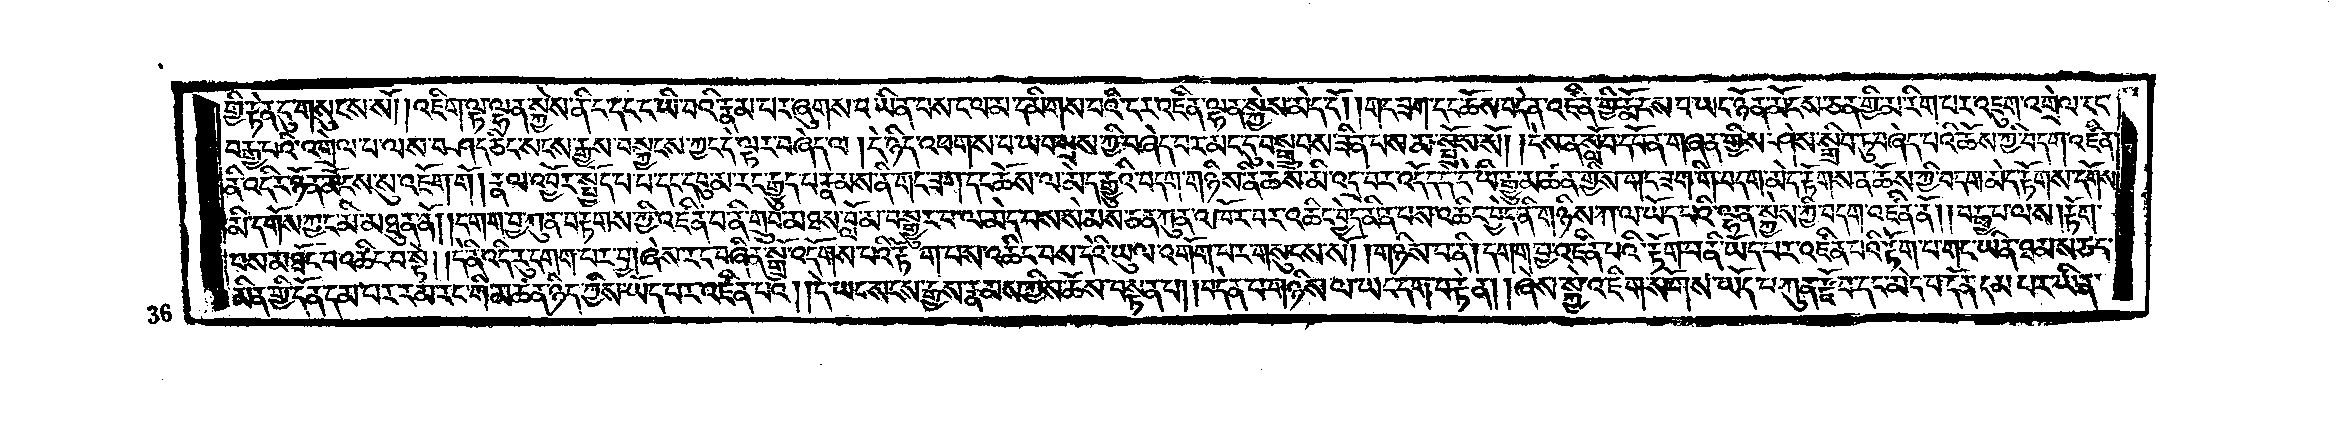གྱི་རྟེན་དུ་གསུངས་སོ། །འཇིག་ལྟ་ལྷན་སྐྱེས་ནི་ང་དང་ང་ཡི་བའི་རྣམ་པར་ཞུགས་པ་ཡིན་པས་ང་ལ་མ་དམིགས་པའི་ངར་འཛིན་ལྷན་སྐྱེས་མེད་དོ། །གང་ཟག་དང་ཆོས་བདེན་འཛིན་གྱི་རྨོངས་པ་ཡང་ཉོན་མོངས་ཅན་གྱི་མ་རིག་པར་འཇུག་འགྲེལ་དང་
བརྒྱ་པའི་འགྲེལ་པ་ལས་བཤད་ཅིང་སངས་རྒྱས་བསྐྱངས་ཀྱང་དེ་ལྟར་བཞེད་ལ། དེ་ཉིད་འཕགས་པ་ཡབ་སྲས་ཀྱི་བཞེད་པར་མང་དུ་བསྒྲུབས་ཟིན་པས་མ་སྤྲོས་སོ། །དེས་ན་སློབ་དཔོན་གཞན་གྱིས་ཤེས་སྒྲིབ་ཏུ་བཞེད་པའི་ཆོས་ཀྱི་བདག་འཛིན་
ནི་འདིར་ཉོན་མོངས་སུ་འཇོག་གོ། །རྣལ་འབྱོར་སྤྱོད་པ་དང་དབུ་མ་རང་རྒྱུད་པ་རྣམས་ནི་གང་ཟག་དང་ཆོས་ལ་མེད་རྒྱུའི་བདག་གཉིས་ནི་ཆོས་མི་འདྲ་བར་འདོད་དེ་དེ་ཡི་རྒྱུ་མཚན་གྱིས་གང་ཟག་གི་བདག་མེད་རྟོགས་ན་ཆོས་ཀྱི་བདག་མེད་རྟོགས་དགོས་
མི་དགོས་ཀྱང་མི་མཐུན་ནོ། །དགག་བྱ་ཀུན་བརྟགས་ཀྱི་འཛིན་པ་ནི་གྲུབ་མཐས་བློ་མ་བསྒྱུར་བ་ལ་མེད་པས་སེམས་ཅན་ཀུན་འཁོར་བར་འཆིང་བྱེད་མིན་པས་འཆིང་བྱེད་ནི་གཉིས་ཀ་ལ་ཡོད་པའི་ལྷན་སྐྱེས་ཀྱི་བདག་འཛིན་ནོ། །བརྒྱ་པ་ལས། རྟོག་
པས་མཐོང་བ་འཆིང་བ་སྟེ། །དེ་ནི་འདི་རུ་དགག་པར་བྱ། ཞེས་རང་བཞིན་སྒྲོ་འདོགས་པའི་རྟོག་པས་འཆིང་བས་དེའི་ཡུལ་འགོག་པར་གསུངས་སོ། །གཉིས་པ་ནི། དགག་བྱ་འཛིན་པའི་རྟོག་པ་ནི་ཡོད་པར་འཛིན་པའི་རྟོག་པ་གང་ཡིན་ཐམས་ཅད་
མིན་གྱི་དོན་དམ་པར་རམ་རང་གི་མཚན་ཉིད་ཀྱིས་ཡོད་པར་འཛིན་པའོ། །དེ་ཡང་སངས་རྒྱས་རྣམས་ཀྱིས་ཆོས་བསྟན་པ། །བདེན་པ་གཉིས་ལ་ཡང་དག་བརྟེན། །ཞེས་སྐྱེ་འཇིག་སོགས་ཡོད་པ་ཀུན་རྫོབ་དང་མེད་པ་དོན་དམ་པར་ཡིན་